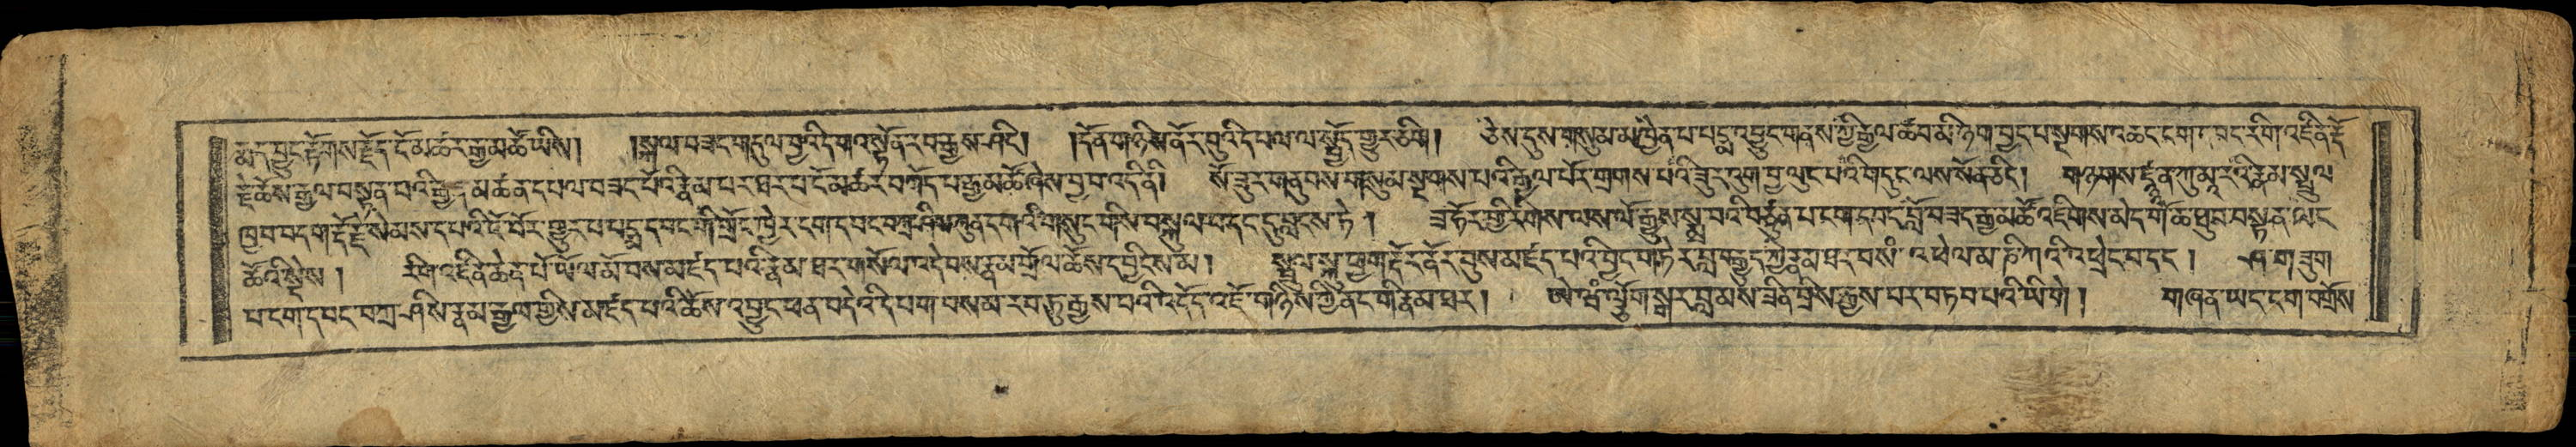རྨད་བྱུང་རྟོགས་རྗོད་ངོ་མཚར་རྒྱ་མཚོ་ཡིས། །སྐལ་བཟང་གདུལ་བྱའི་དགའ་སྟོན་རབ་རྒྱས་ཤིང་། །དོན་གཉིས་ནོར་བུའི་དཔལ་ལ་སྤྱོད་གྱུར་ཅིག། ཅེས་དུས་གསུམ་མཁྱེན་པ་པདམ་འབྱུང་གནས་ཀྱི་རྒྱལ་ཚབ་མི་ཉག་བྱང་པ་སྔགས་འཆང་ངག་དབང་རིག་འཛིན་རྡོ་
རྗེ་ཆོས་རྒྱལ་བསྟན་པའི་རྒྱན་མཚན་དཔལ་བཟང་པོའི་རྣམ་པར་ཐར་པ་ངོ་མཚར་བཀོད་པ་རྒྱ་མཚོ་ཞེས་བྱ་བ་འདི་ནི། སོ་ཟུར་གནུབས་གསུམ་སྔགས་པའི་རྒྱལ་པོར་གྲགས་པའི་ཟུར་འུག་བྱ་ལུང་པའི་གདུང་ལས་སོན་ཅིང་། གཉགས་ཛྙཱ་ན་ཀུ་མཱ་རའི་རྣམ་སྤྲུལ་
ཁྱབ་བདག་རྡོ་རྗེ་སེམས་དཔའི་ངོ་བོར་གྱུར་པ་པདམ་དབང་གི་གྲོང་ཁྱེར་ངག་དབང་བཀྲ་ཤིས་ཀུན་དགའི་གསུང་གིས་བསྐུལ་བ་དང་དུ་བླངས་ཏེ། ཟ་ཧོར་གྱི་རིགས་ལས་ལོ་རྒྱུས་སྨྲ་བའི་བཙུན་པ་ངག་དབང་བློ་བཟང་རྒྱ་མཚོ་འཇིགས་མེད་གོ་ཆ་ཐུབ་བསྟན་ལང་
ཚོའི་སྡེས། རིག་འཛིན་ཆེན་པོ་ཡོལ་མོ་བས་མཛད་པའི་རྣམ་ཐར་གསོལ་འདེབས་རྣམ་གྲོལ་ཆོས་དབྱིངས་མ། སྤྲུལ་སྐུ་ཕྱག་རྡོར་ནོར་བུས་མཛད་པའི་བྱང་གཏེར་བླ་བརྒྱུད་ཀྱི་རྣམ་ཐར་བསཾ་འཕེལ་མ་ཎི་ཀའི་འཕྲེང་བ་དང་། ཤ་གཟུག་
པ་ངག་དབང་བཀྲ་ཤིས་རྣམ་རྒྱལ་གྱིས་མཛད་པའི་ཆོས་འབྱུང་ཕན་བདེའི་དཔག་བསམ་རབ་ཏུ་རྒྱས་པའི་འདོད་འཇོ་གཉིས་ཀྱི་ནང་གི་རྣམ་ཐར། ཨེ་ཝཾ་ལྕོག་སྒར་བླ་མས་ཟིན་བྲིས་རྒྱས་པར་བཏབ་པའི་ཡི་གེ། གཞན་ཡང་ངག་བགྲོས་